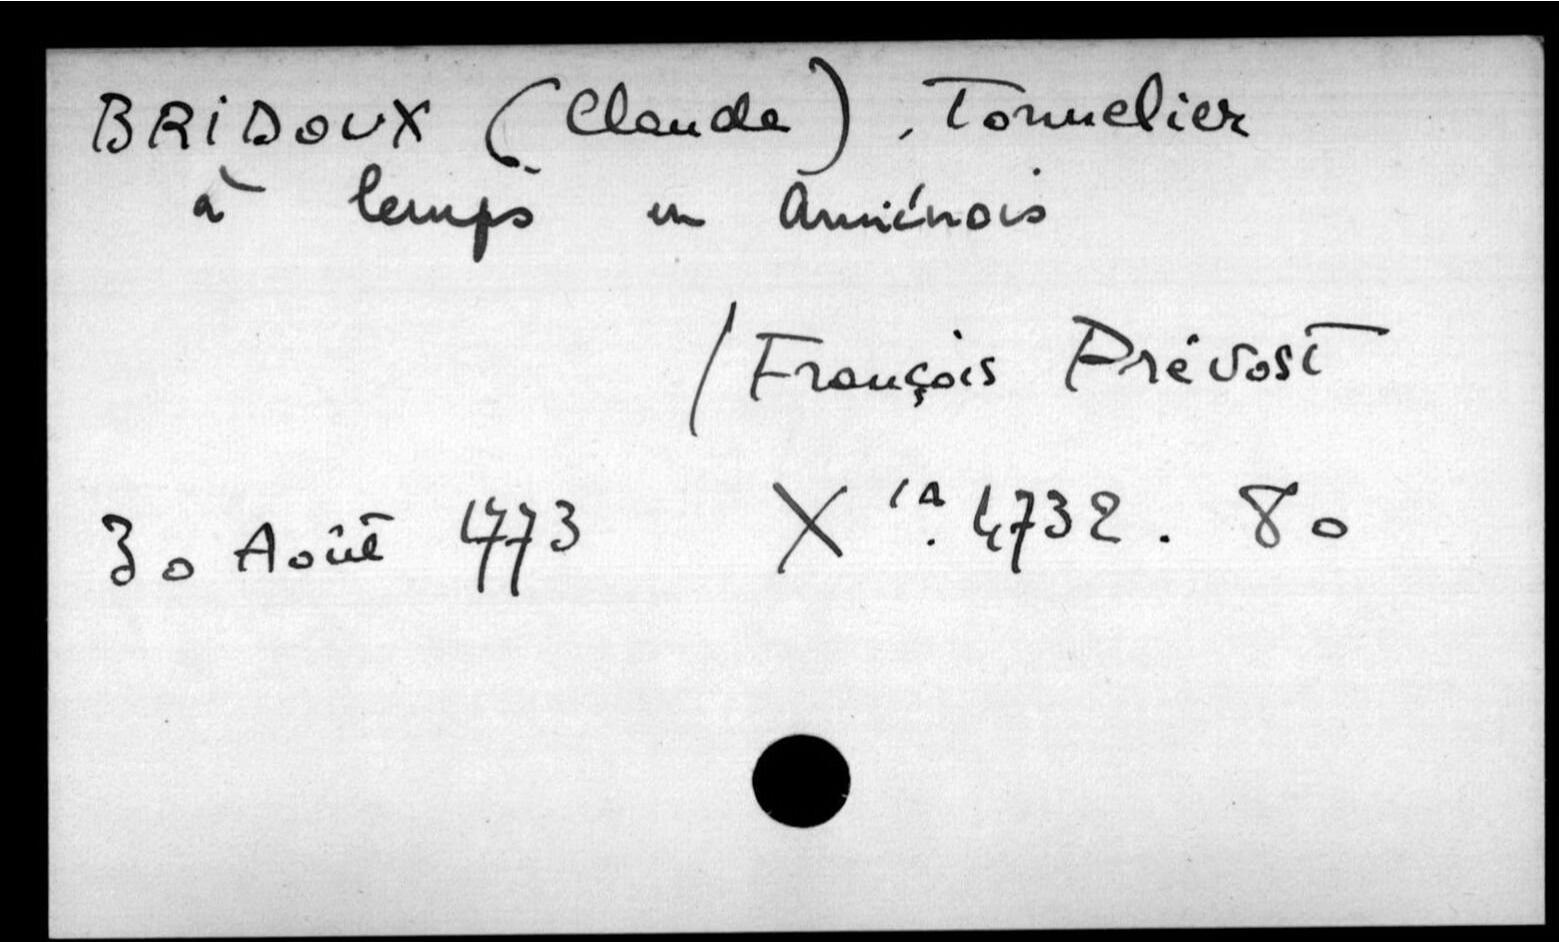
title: BRIDOUX (Claude), Tonnelier à Lemps en Amiénois
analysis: Contre François Prévost
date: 30 août 1773
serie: X1a
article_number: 4732
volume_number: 80
